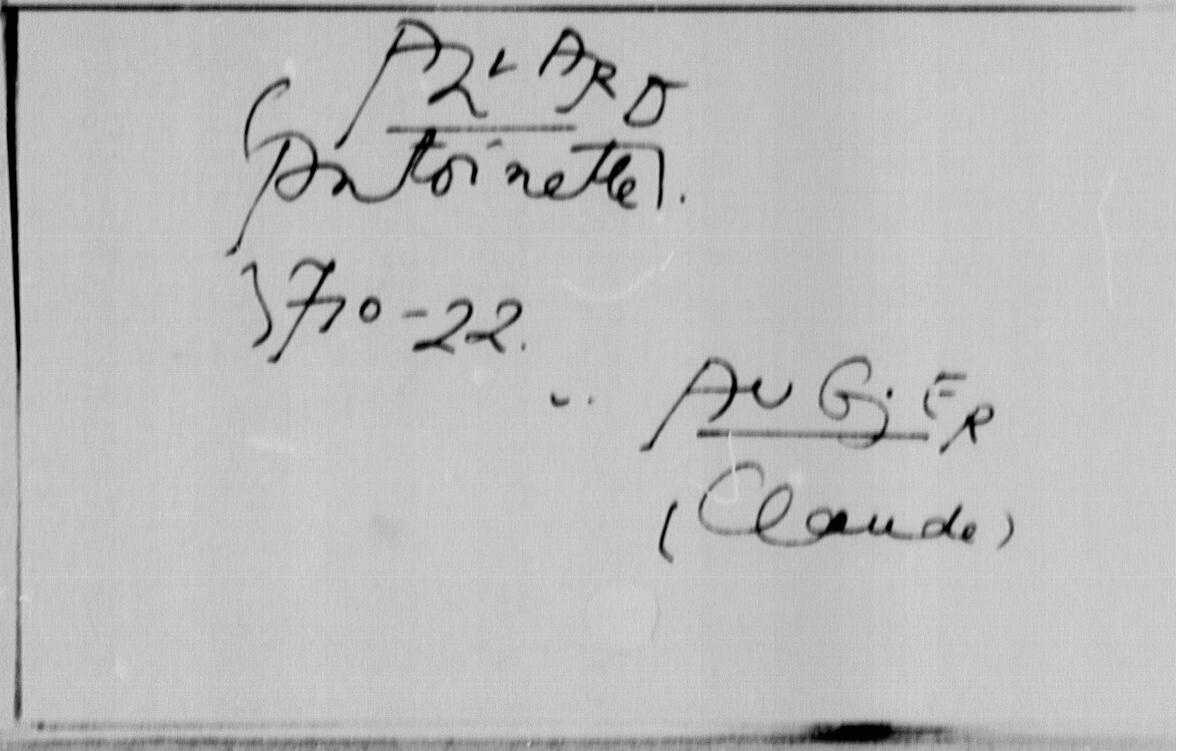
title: ALLARD (Antoinette)
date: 1710-1722
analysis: Voir AUGIER (Claude)
